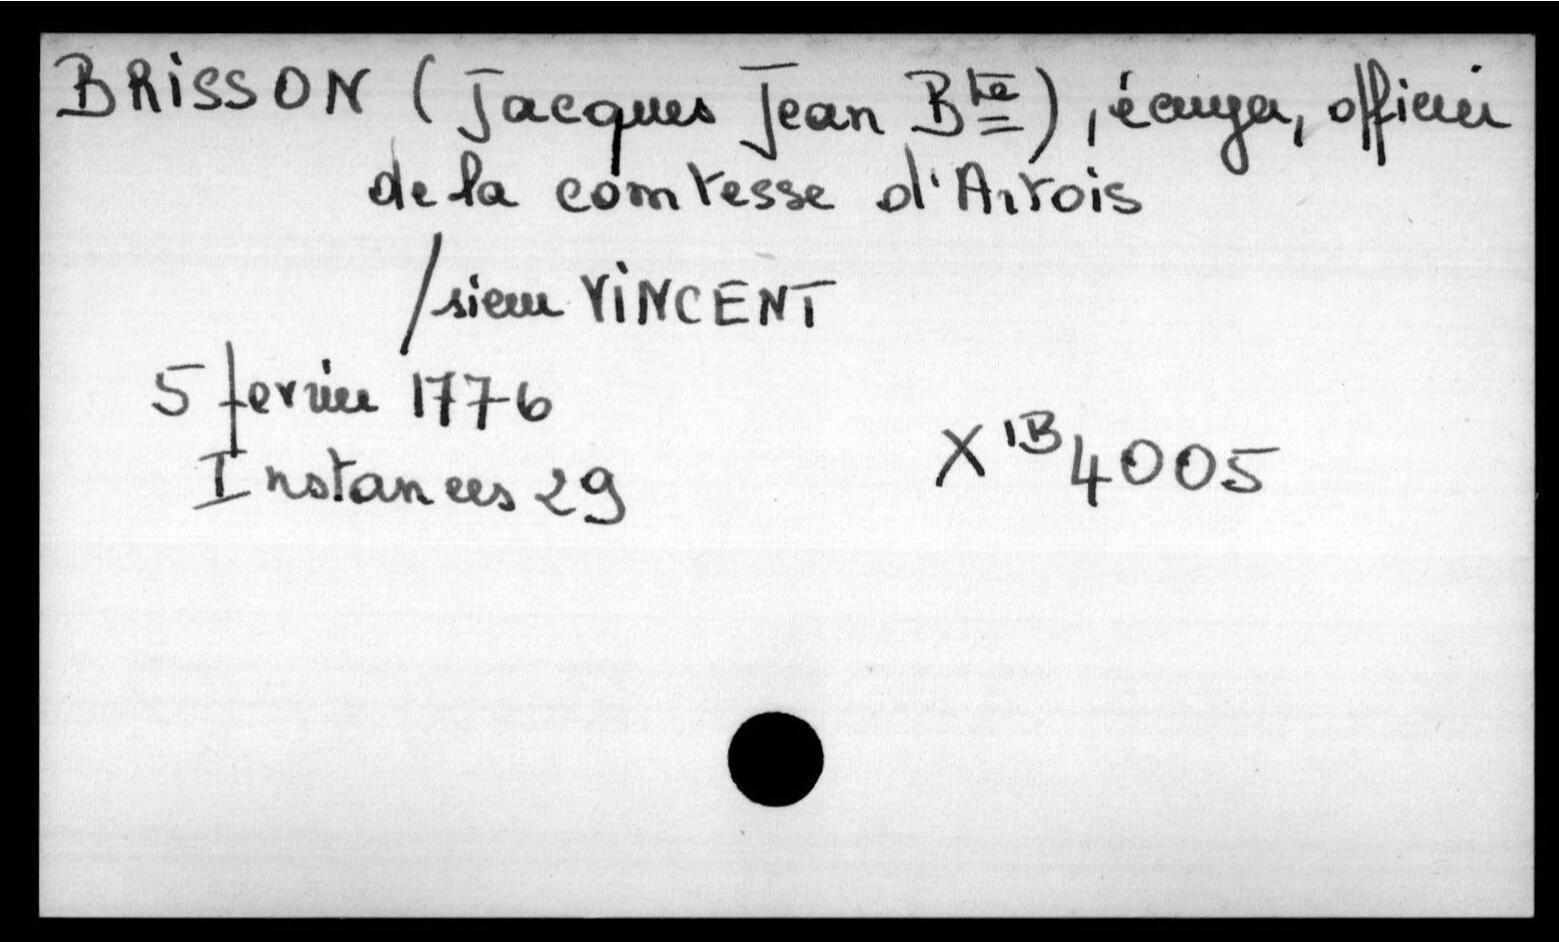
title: BRISSON (Jacques Jean Baptiste), écuyer officier de la comtesse d'Artois
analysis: Contre sieur VINCENT
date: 5 février 1776
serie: X1B
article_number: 4005
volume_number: Instances, 29
